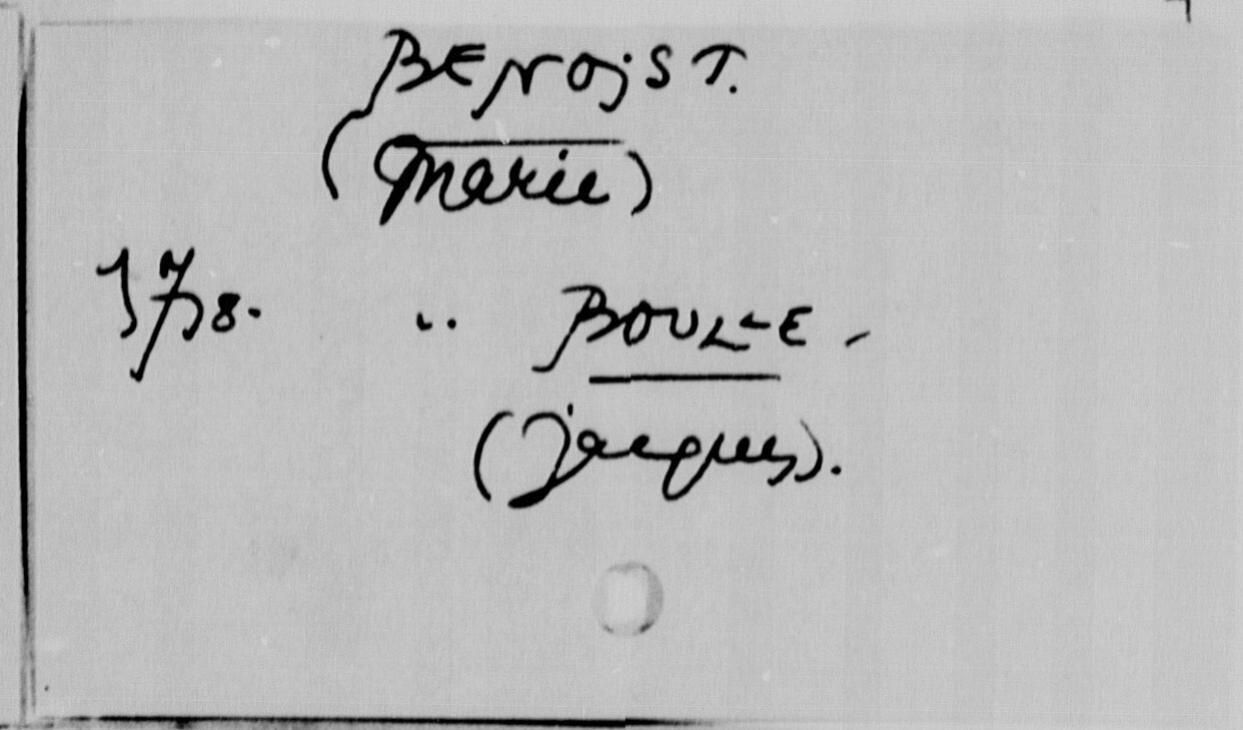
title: BENOIST (Marie)
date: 1718
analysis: Voir : BOULLE (Jacques)
